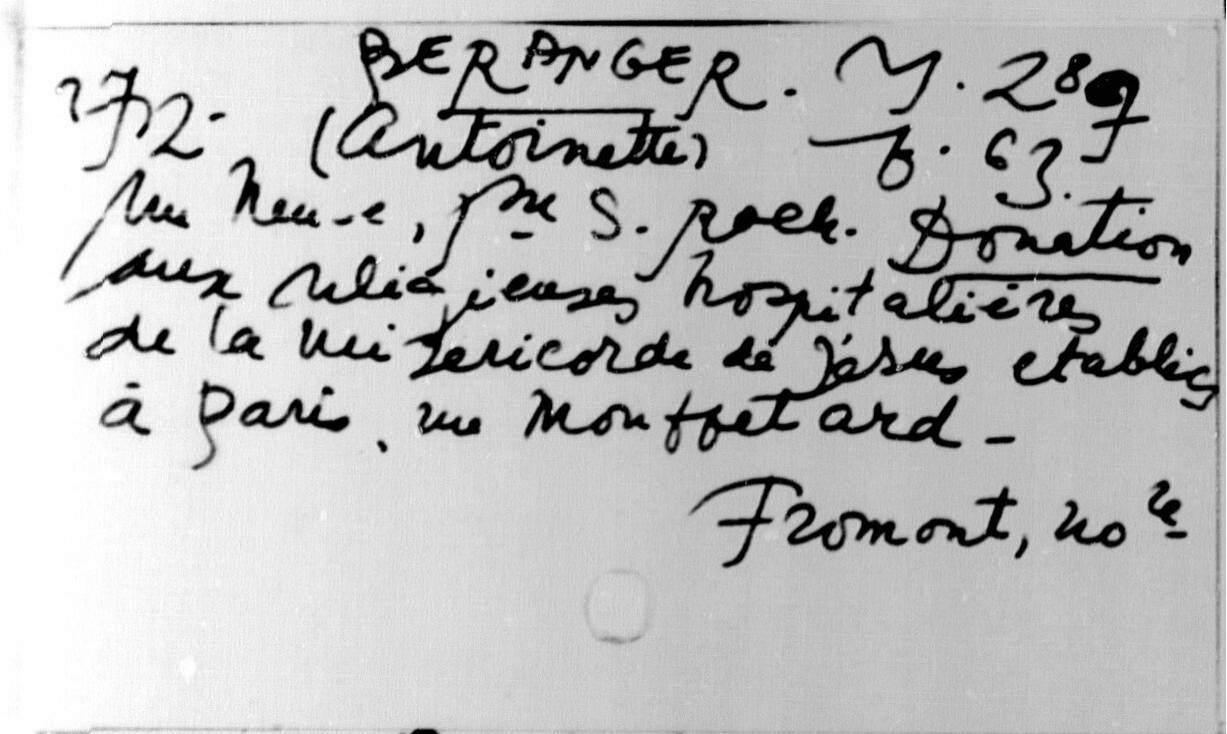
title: BERANGER (Antoinette)
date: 1712
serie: Y
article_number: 287
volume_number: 63
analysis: rue Neuve, paroisse Saint-Roch. Donation aux religieuses hospitalières de la miséricorde de Jésus établis à Paris, rue Mouffetard. Fromont, notaire.
